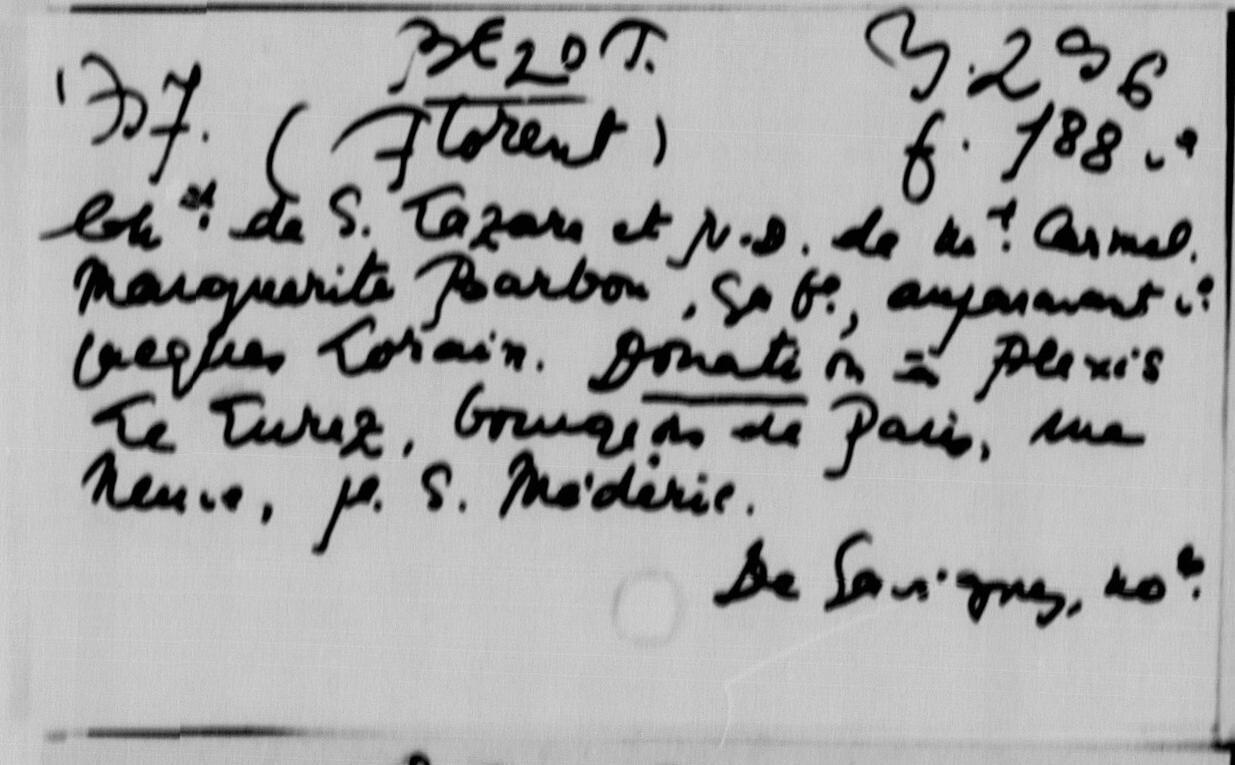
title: BELOT (Florent)
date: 1717
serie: Y
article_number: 296
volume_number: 188v
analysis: Chevalier de Saint-Lazare et Notre-Dame du Mont Carmel. Marguerite Barbon, sa femme, auparavant veuve Jacques Lorain. Donation à Alexis LE LUREZ, bourgeois de Paris, rue Neuve, paroisse Saint-Médéric. De Savignes, notaire.
